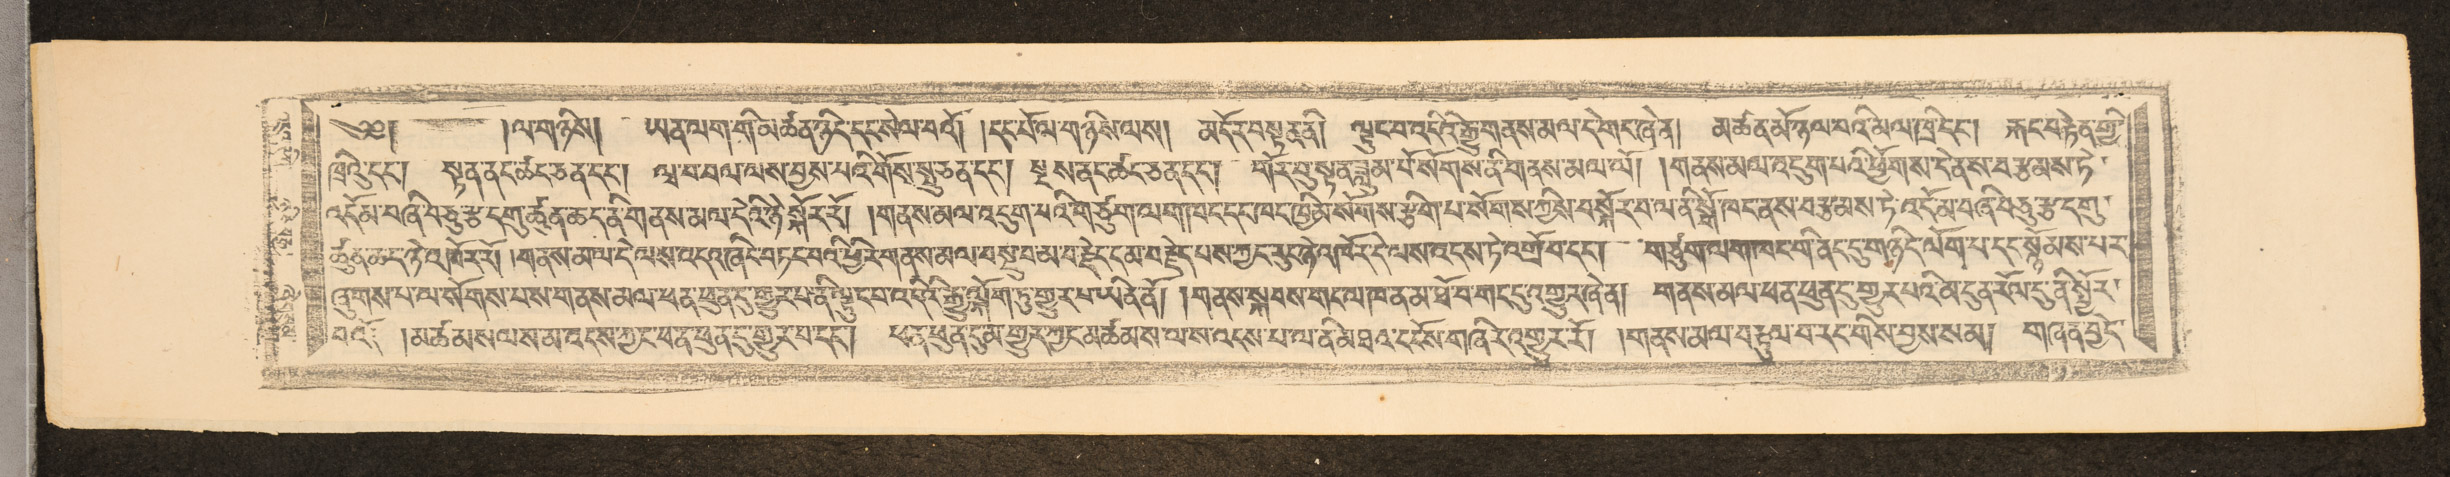༄༅། །ལ་གཉིས། ཡན་ལག་གི་མཚན་ཉིད་དང་སེལ་བའོ། །དང་པོ་ལ་གཉིས་ལས། མདོར་བསྟན་ནི། ལྟུང་བ་འདིའི་རྒྱུ་གནས་མལ་དེ་གང་ཞེ་ན། མཚན་མོ་ཉལ་པའི་མལ་ཁྲི་དང་། རྐང་བརྟེན་གྱི་
ཁྲིའུ་དང་། སྟན་ནང་ཚང་ཅན་དང་། ཝྭ་པ་པལ་ལས་བྱས་པའི་གོས་སྤུ་ཅན་དང་། སྔས་ནང་ཚང་ཅན་དང་། གོར་བུ་སྟན་ཟླུམ་པོ་སོགས་ནི་གནས་མལ་ལོ། །གནག་མལ་འདུག་པའི་ཕྱོགས་དེ་ནས་བརྩམས་ཏེ་
འདོམ་བཞི་བཅུ་རྩ་དགུ་ཚུན་ཆད་ནི་གནས་མལ་དེའི་ཉེ་སྐོར་རོ། །གནས་མལ་འདུག་པའི་གཙུག་ལག་ཁང་དང་ཁང་ཁྱིམ་སོགས་རྩིག་པ་སོགས་ཀྱིས་བསྐོར་བ་ལ་ནི་སྒོ་ཁང་ནས་བརྩམས་ཏེ་འདོམ་བཞི་བཅུ་རྩ་དགུ་
ཚུན་ཆད་ཉེ་འཁོར་རོ། །གནས་མལ་དེ་ལས་འདའ་ཞིང་བཏང་བའི་ཕྱིར་གནས་མལ་བསྡུ་བ་མ་བརྗེད་དམ་བརྗེད་པས་ཀྱང་རུང་ཉེ་འཁོར་དེ་ལས་འདས་ཏེ་འགྲོ་བ་དང་། གཙུག་ལག་ཁང་གི་ནང་དུ་གཉིད་ལོག་པ་དང་སྙོམས་པར་
ཞུགས་པ་ལ་སོགས་པས་གནས་མལ་ཕན་བུན་དུ་གྱུར་པ་ནི་ལྟུང་བ་འདིའི་རྒྱུ་ལྐོག་ཏུ་གྱུར་པ་ཡིན་ནོ། །གནས་སྐབས་གང་ལ་ཁ་ན་མ་ཐོ་བ་གང་དུ་འགྱུར་ཞེ་ན། གནས་མ་ལ་ཕན་ཕུན་དུ་གྱུར་པའི་མདུན་རོལ་དུ་ནི་སྦྱོར་
བའོ༑ །མཚམས་ལས་མ་འདས་ཀྱང་ཕན་ཕུན་དུ་གྱུར་བ་དང་། ཕན་ཕུན་དུ་མ་གྱུར་ཀྱང་མཚམས་ལས་འདས་པ་ལ་ནི་མཐའ་དངོས་གཞིར་འགྱུར་རོ། །གནས་མ་ལ་བརྟུལ་བ་རང་གིས་བྱས་སམ། གཞན་བྱེད་